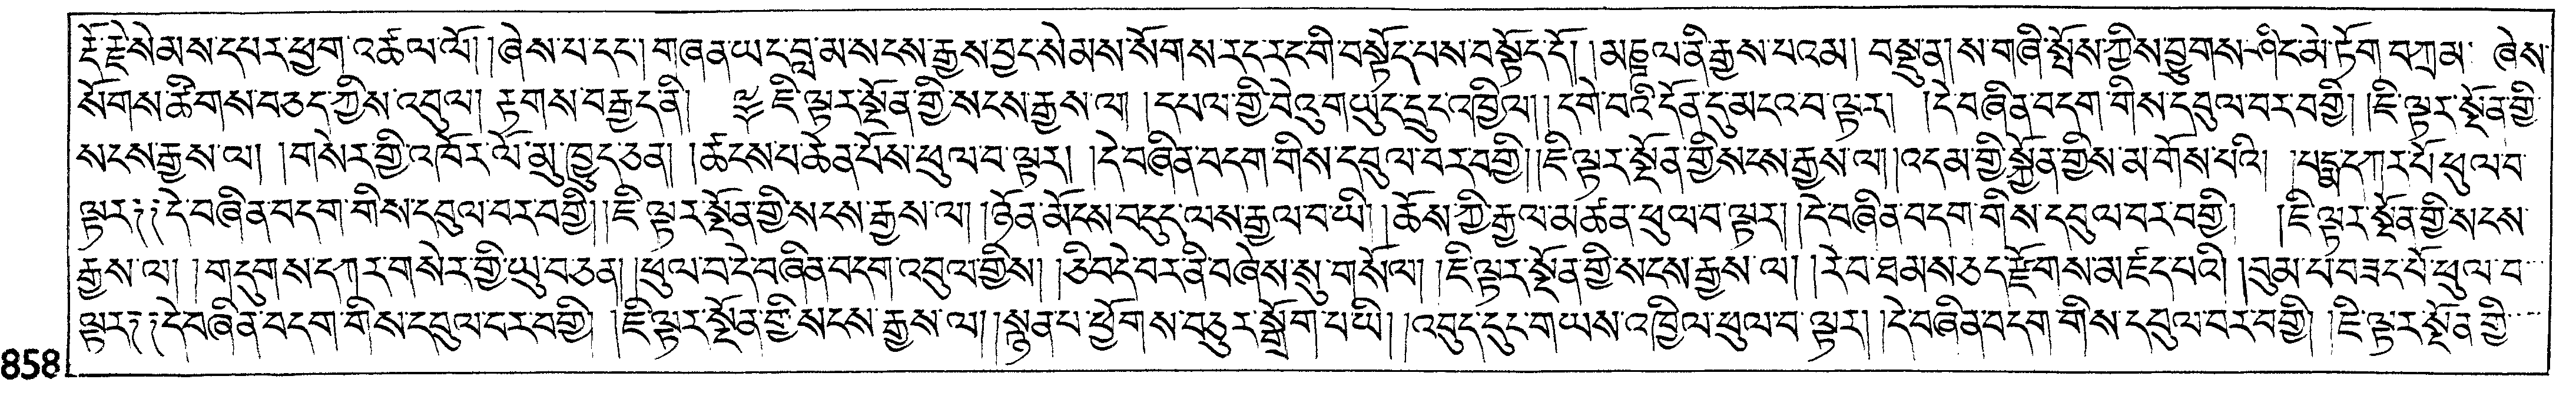རྡོ་རྗེ་སེམས་དཔར་ཕྱག་འཚལ་ལོ། །ཞེས་པ་དང་། གཞན་ཡང་བླ་མ་སངས་རྒྱས་བྱང་སེམས་སོགས་རང་རང་གི་བསྟོད་པས་བསྟོད་དོ། །མཎྜལ་ནི་རྒྱས་པའམ། བསྡུ་ན། ས་གཞི་སྤོས་ཀྱིས་བྱུགས་ཤིང་མེ་ཏོག་བཀྲམ། ཞེས་
སོགས་ཚིགས་བཅད་ཀྱིས་འབུལ། རྟགས་བརྒྱད་ནི། ༈ ཇི་ལྟར་སྔོན་གྱི་སངས་རྒྱས་ལ། །དཔལ་གྱི་བེའུ་གཡུང་དྲུང་འཁྱིལ། །དགེ་བའི་དོན་དུ་མངའ་བ་ལྟར། །དེ་བཞིན་བདག་གིས་དབུལ་བར་བགྱི། །ཇི་ལྟར་སྔོན་གྱི་
སངས་རྒྱས་ལ། །གསེར་གྱི་འཁོར་ལོ་མུ་ཁྱུད་ཅན། །ཚངས་པ་ཆེན་པོས་ཕུལ་བ་ལྟར། །དེ་བཞིན་བདག་གིས་དབུལ་བར་བགྱི། །ཇི་ལྟར་སྔོན་གྱི་སངས་རྒྱས་ལ། །འདམ་གྱི་སྐྱོན་གྱིས་མ་གོས་པའི། །པདམ་དཀར་པོ་ཕུལ་བ་
ལྟར། །དེ་བཞིན་བདག་གིས་དབུལ་བར་བགྱི། །ཇི་ལྟར་སྔོན་གྱི་སངས་རྒྱས་ལ། །ཉོན་མོངས་བདུད་ལས་རྒྱལ་བ་ཡི། །ཆོས་ཀྱི་རྒྱལ་མཚན་ཕུལ་བ་ལྟར། །དེ་བཞིན་བདག་གིས་དབུལ་བར་བགྱི། །ཇི་ལྟར་སྔོན་གྱི་སངས་
རྒྱས་ལ། །གདུགས་དཀར་གསེར་གྱི་ཡུ་བ་ཅན། །ཕུལ་བ་དེ་བཞིན་བདག་འབུལ་གྱིས། །ཅི་བདེ་བར་ནི་བཞེས་སུ་གསོལ། །ཇི་ལྟར་སྔོན་གྱི་སངས་རྒྱས་ལ། །རེ་བ་ཐམས་ཅད་རྫོགས་མཛད་པའི། །བུམ་པ་བཟང་པོ་ཕུལ་བ་
ལྟར། །དེ་བཞིན་བདག་གིས་དབུལ་བར་བགྱི། །ཇི་ལྟར་སྔོན་གྱི་སངས་རྒྱས་ལ། །སྙན་པ་ཕྱོགས་བཅུར་སྒྲོག་པ་ཡི། །འབུད་དུང་གཡས་འཁྱིལ་ཕུལ་བ་ལྟར། །དེ་བཞིན་བདག་གིས་དབུལ་བར་བགྱི། །ཇི་ལྟར་སྔོན་གྱི་